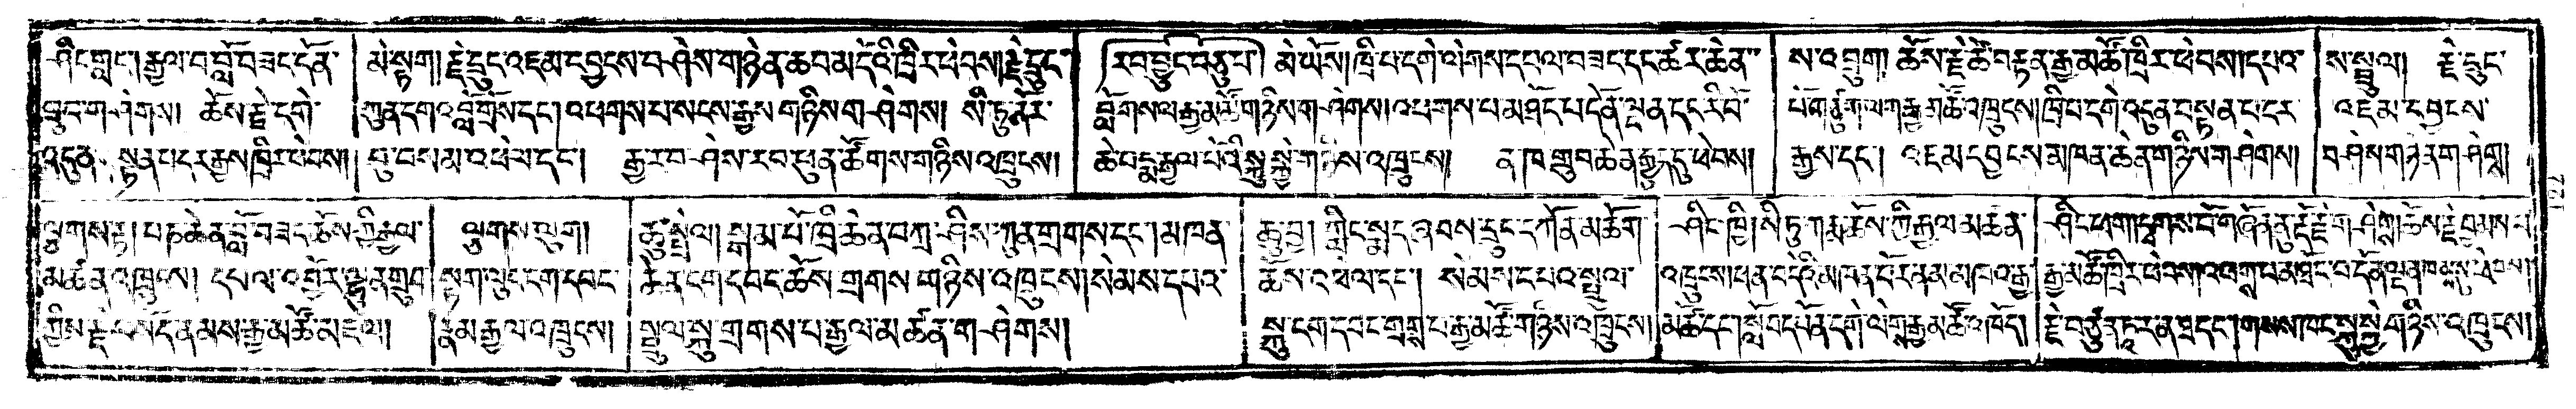ཤིང་གླང་། རྒྱལ་བ་བློ་བཟང་དོན་མེ་སྟག། རྗེ་དྲུང་འཇམ་དབྱངས་བཤེས་གཉེན་ཆབ་མདོའི་ཁྲིར་ཕེབས། རྗེ་དྲུང་། རབ་བྱུང་བཅུ་པ། མེ་ཡོས། ཁྲི་པ་དགེ་ལེགས་དཔལ་བཟང་དང་ཚར་ཆེན་ས་འབྲུག །ཆོས་རྗེ་ཚེ་བརྟན་རྒྱ་མཚོ་ཁྲིར་ཕེབས། དཔའ་ས་སྤྲུལ། རྗེ་དྲུང་
བྲག་གཤེགས། ཆོས་རྗེ་དགེ་ཀུན་དགའ་བློ་གྲོས་དང་། འཕགས་པ་སངས་རྒྱས་གཉིས་གཤེགས། སི་ཏུ་ནོར་བློ་གསལ་རྒྱ་མཚོ་གཉིས་གཤེགས། འཕགས་པ་མཐོང་པ་དོན་ལྡན་དང་རི་བོ་པོ་གཙུག་ལག་རྒྱུ་མཚོ་འཁྲུངས་ཁྲི་བ་དགེ་འདུན་བསྟན་པ་དར་འཇམ་དབྱངས་
འདུན?་སྟན་པ་དར་རྐྱང་ཁྲེར་ཕེབས། བུ་བསམ་འཕེལ་དང་། རྒྱ་རབ་ཤེས་རབ་ཕུན་ཚོགས་གཉིས་འཁྲུངས། ཆེ་པདམ་རྒྱལ་པོའི་སྐུ་སྐྱེ་གཉིས་འཁྲུངས། ན་ཁ་གྲུབ་ཆེན་རྒྱུད་དུ་ཕེབས། རྒྱས་དང་། འཇམ་དབྱངས་མཁན་ཆེན་གཉིས་གཤེགས། བཤེས་གཉན་གཤེགས།
ལྕགས་རྟ། པཎ་ཆེན་བློ་བཟང་ཆོས་ཀྱི་རྒྱལ་ལྕགས་ལུག། ཆུ་སྦྲེལ། སྒམ་པོ་ཁྲི་ཆེན་བཀྲ་ཤིས་ཀུན་གྲགས་དང་། མཁན་ཆུ་བྱ་གླིང་སྨད་ཞབས་དྲུང་དཀོན་མཆོག་ཤིང་ཁྱི། སི་ཏུ་ཀརྨ་ཆོས་ཀྱི་རྒྱལ་མཚན་ཤིང་ཕྲག །དྭགས་པོ་གཞོན་ནུ་རྡོ་རྗེ་གཤེགས། ཆོས་རྗེ་བྱམས་པ་
མཚན་འཁྲུངས། ??་འབྱོར་ལྷུན་གྲུབ་སྟག་ལུང་དག་དབང་ཆེན་ངག་དབང་ཆོས་གྲགས་གཉིས་འཁྲུངས། སེམས་དཔའ་ཆོས་འཕེལ་དང་། སེམས་དཔའ་སྤྲུལ་འཁྲུངས་ཕན་བདེའི་མཁན་བོར་ནམ་མཁའ་རྒྱ་རྒྱ་མཚོ་ཁྲིར་ཕེབས། འཕགས་པ་མཐོང་བ་འདོན་ལྡན་ཁམས་སུ་ཕེབས།
ཀྱིས་རྗེས?་བསོད་ནམས་རྒྱ་མཚོ་མཇལ། རྣམ་རྒྱལ་འཁྲུངས། སྤྲུལ་སྐུ་གྲགས་པ་རྒྱལ་མཚན་གཤེགས། སྐུ་དང་དབང་གྲགས་པ་རྒྱ་མཚོ་གཉིས་འཁྲུངས། མཚོ་དང་། སློབ་དཔོན་དགེ་ལེགས་རྒྱ་མཚོ་གྰྑོད། རྗེ་བཙུན་ཏཱ་ར་ན་ཐ་དང་། གསས་ཁང་སྐུ་སྐྱེ་གཉིས་འཁྲུངས།